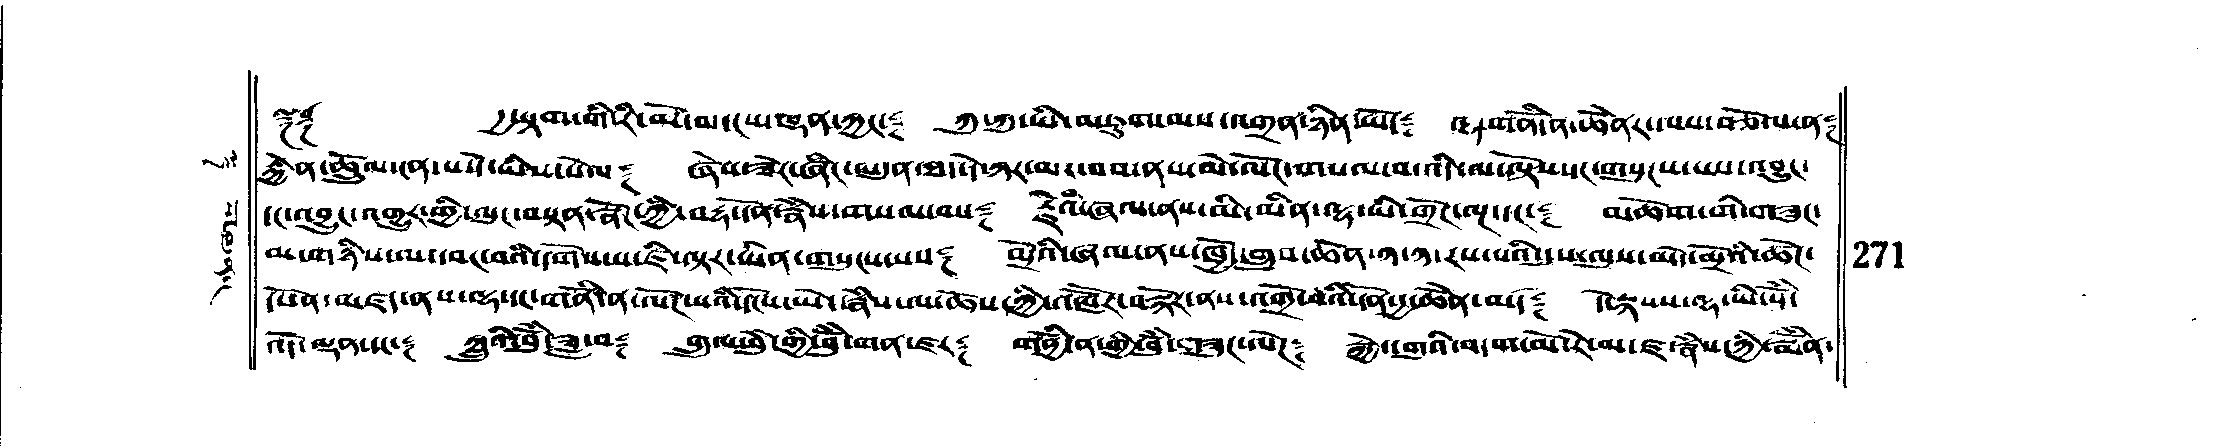།རྒྱ་སྟག་གི་རི་མོ་མདངས་ལྡན་ཀྱང་། །ཀུ་ཀུ་ཡི་མཇུག་མས་འགྲན་ཉེན་ཡོད། །ལྷ་གནོད་སྦྱིན་ཆེན་པོར་ལས་བཅོལ་ན། །
རྐྱེན་ཆོ་འཕྲུལ་ངན་པ་དེ་ཡིས་སེལ། །ཞེས་ཟེར་ཞིང་མདུན་ཐད་དེ་ཀར་མར་བབ་ནས་མེ་ལོང་གསལ་བ་འདི་ལ་ལྟོས་དང་གསུངས་པས་འབྱུང་དང་འབྱུང་
འགྱུར་གྱི་ལུང་བསྟན་སྣ་ཚོགས་ཀྱི་བརྡ་དོན་རྣམས་གསལ་བས།རྗེའི་ཞལ་ནས་མི་མིན་ལྷ་ཡི་གྲོགས་ལྔ་དང་། མཆོག་གི་གཟུངས་
མ་གཉིས་ལ་དབང་བའི་དགོས་པ་ཇི་ལྟར་ཡིན་གསུངས་པས། མཁའ་འགྲོའི་ཞལ་ནས་ཁྱོད་གྲུབ་ཆེན་ཀུ་ཀུ་རས་པའི་དུས་ལུས་མེད་མཁའ་འགྲོའི་ཚོགས་
དཔོན་མཛད་ནས་ལྷ་དང་གནོད་སྦྱིན་ལ་སོགས་པའི་དངོས་མེད་རྣམས་ལ་ཆོས་ཀྱི་འཁོར་ལོ་བསྐོར་ནས་འགྲོ་བའི་དོན་རྒྱ་ཆེན་པོ་མཛད། དེ་སྐབས་ལྷ་ཡི་བུ་མོ་
འོད་ལྡན་དང་། ཀླུའི་བུ་མོ་ཟླ་བ། གྲུལ་བུམ་གྱི་བུ་མོ་གན་ཛར། གནོད་སྦྱིན་གྱི་བུ་མོ་གཟུགས་ལེགས། སྐྱེ་དགུའི་བདག་མོ་རེ་མ་ཛ་རྣམས་ཀྱི་སྨོན་ལམ་